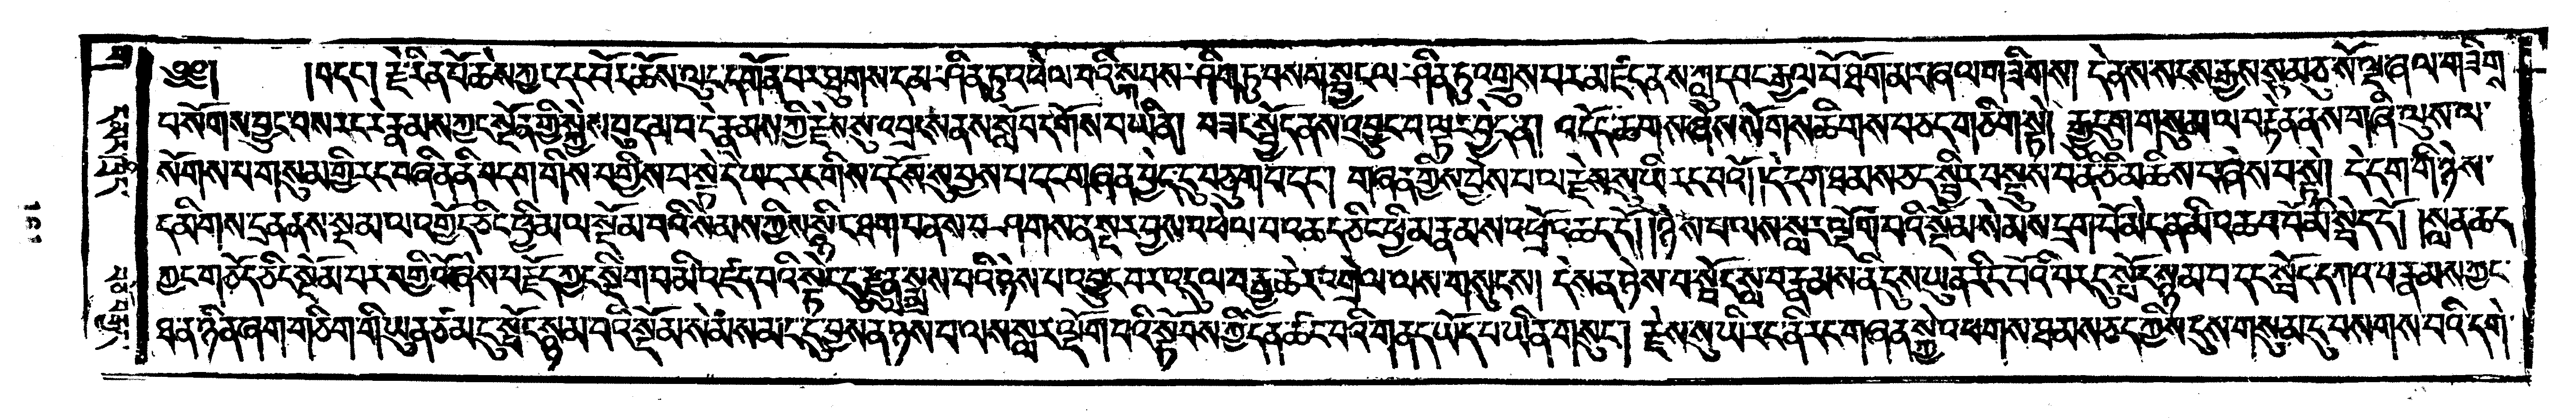༄༅། །བ་དང་། རྗེ་རིན་པོ་ཆེས་ཀྱང་དང་བོར་ཆོས་ལུང་དགོན་པར་ཐུགས་དམ་ཤིན་ཏུ་འཕེལ་བའི་སྐབས་ཤིག་ཏུ་བསག་སྦྱང་ལ་ཤིན་ཏུ་འགྲུས་པར་མཛད་ནས་ཀླུ་དབང་རྒྱལ་པོ་ཐོག་མར་ཞལ་གཟིགས། དེ་ནས་སངས་རྒྱས་སུམ་ཅུ་སོ་ལྔ་ཞལ་གཟིགས་
པ་སོགས་བྱུང་བས་རང་རེ་རྣམས་ཀྱང་སྔོན་གྱི་སྐྱེས་བུ་དམ་བ་དེ་རྣམས་ཀྱི་རྗེས་སུ་འབྲངས་ནས་སློབ་དགོས་པ་ཡིན། བཟང་སྤྱོད་ནས་འབྱུང་བ་ལྟར་བྱེད་ན། འདོད་ཆགས་ཞེས་སོགས་ཚིགས་བཅད་གཅིག་སྟེ། རྒྱུ་དུག་གསུམ་ལ་བརྟེན་ནས་གཞི་ལུས་ལ་
སོགས་པ་གསུམ་གྱི་རང་བཞིན་ནི་བདག་གིས་བགྱིས་བ་སྟེ་དེ་ཡང་རང་གིས་དངོས་སུ་བྱས་པ་དང་གཞན་བྱེད་དུ་བཅུག་པ་དང་། གཞན་གྱིས་བྱེས་པ་ལ་རྗེས་སུ་ཡི་རང་བའོ། །དེ་དག་ཐམས་ཅད་སྤྱིར་བསྡུས་པ་ནི་ཅི་མཆིས་བཞེས་པ་སྟེ། དེ་དག་གི་ཉེས་
དམིགས་དྲན་ནས་སྔ་མ་ལ་འགྱོད་ཅིང་ཕྱི་མ་ལ་སྡོམ་པའི་སེམས་ཀྱིས་སྙིང་ཐག་པ་ནས་བཤགས་ན་སྔར་བྱས་འཕེལ་བ་འཆད་ཅིང་ཕྱི་མ་རྣམས་འཕྲོ་འཆད་དོ། །ཉེས་པ་ལས་སླར་ལྡོག་པའི་སྡོམ་སེམས་དྲག་པོ་མེད་ན་མི་འཆབ་བོ་མི་སྦེད་དོ། །སླན་ཆད་
ཀྱང་གཅོད་ཅིང་སྡོམ་པར་བགྱིའོ་ཞེས་བརྗོད་ཀྱང་སྡིག་བ་མི་འཛད་པའི་སྟེང་དུ་རྫུན་སྨྲས་པའི་ཉེས་པ་འབྱུང་བར་འདུལ་བརྒྱ་ཆེར་འགྲེལ་ལས་གསུངས། དེས་ན་ཉེས་བ་སྤོང་སླ་བ་རྣམས་ནི་དུས་ཡུན་རིང་བོའི་བར་དུ་སྤོང་སྙམ་པ་དང་སྤོང་དཀའ་བ་རྣམས་ཀྱང་
ཐ་ན་ཉིན་ཞག་གཅིག་གི་ཡུན་ཙམ་དུ་སྦོང་སྙམ་པའི་སྡོམ་སེམས་མང་དུ་བྱས་ན་ཉས་པ་ལས་སླར་ལྡོག་པའི་སྟོབས་ཀྱི་དོན་ཚང་བའི་གནད་ཡོད་པ་ཡིན་གསུང་། རྗེས་སུ་ཡི་རང་ནི་རང་གཞན་སྐྱེ་འཕགས་ཐམས་ཅད་ཀྱིས་དུས་གསུམ་དུ་བསགས་པའི་དགེ་